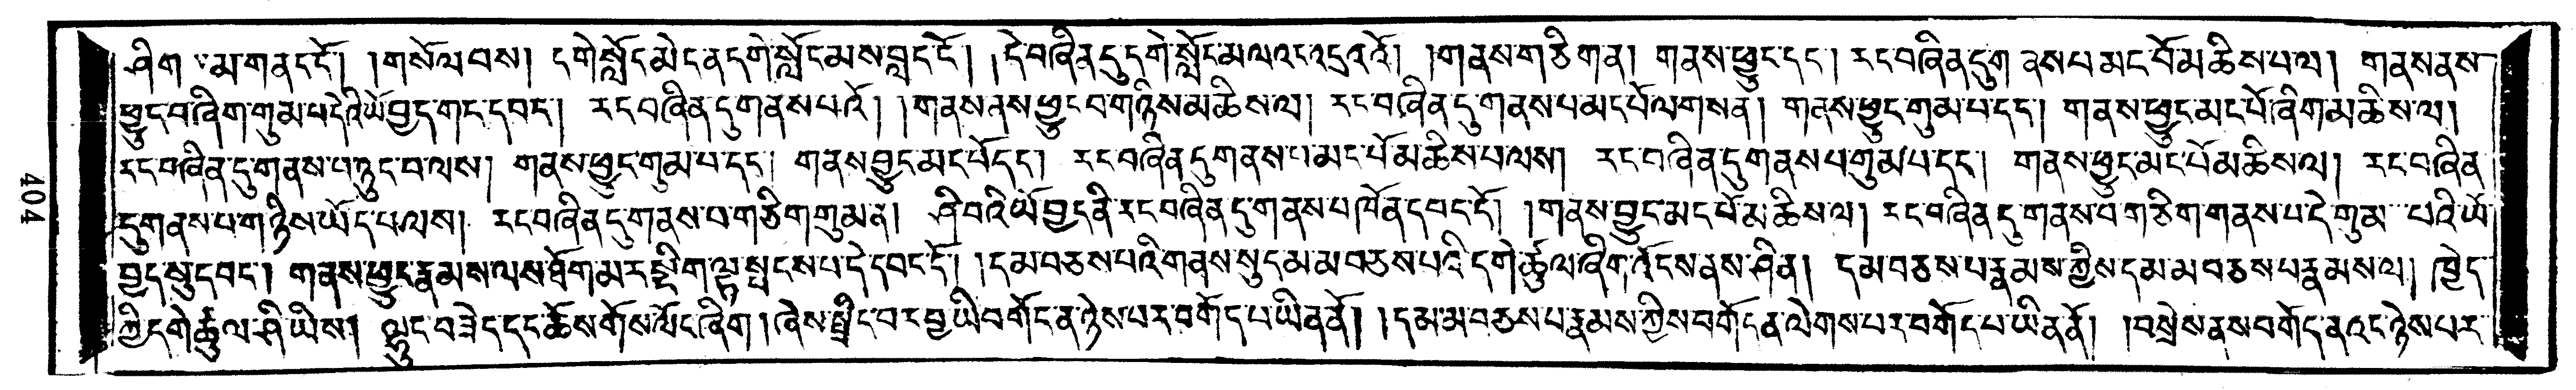ཤིག་མ་གནང་ངོ། །གསོལ་བས། དགེ་སློང་མེད་ན་དགེ་སློང་མས་བླང་ངོ། །དེ་བཞིན་དུ་དགེ་སློང་མ་ལའང་འདྲའ་འོ། །གནས་གཅིག་ན། གནས་ཕྱུང་དང་། རང་བཞིན་དུ་གནས་པ་མང་པོ་མཆིས་པ་ལ། གནས་ནས་
ཕྱུང་བ་ཞིག་གུམ་པ་དེའི་ཡོ་བྱད་གང་དབང་། རང་བཞིན་དུ་གནས་པའོ། །གནས་ནས་ཕྱུང་བ་གཉིས་མཆིས་ལ། རང་བཞིན་དུ་གནས་པ་མང་པོ་ལགས་ན། གནས་ཕྱུང་གུམ་པ་དང་། གནས་ཕྱུང་མང་པོ་ཞིག་མཆིས་ལ།
རང་བཞིན་དུ་གནས་པ་ཉུང་བ་ལས། གནས་ཕྱུང་གུམ་པ་དང་། གནས་བྱུང་མང་པོ་དང་། རང་བཞིན་དུ་གནས་པ་མང་པོ་མཆིས་པ་ལས། རང་བཞིན་དུ་གནས་པ་གུམ་པ་དང་། གནས་ཕྱུང་མང་པོ་མཆིས་ལ། རང་བཞིན་
དུ་གནས་པ་གཉིས་ཡོད་པ་ལས། རང་བཞིན་དུ་གནས་པ་གཅིག་གུམ་ན། ཤི་བའི་ཡོ་བྱད་ནི་རང་བཞིན་དུ་གནས་པ་ཁོ་ན་དབང་ངོ། །གནས་བྱུང་མང་པོ་མཆིས་ལ། རང་བཞིན་དུ་གནས་པ་གཅིག་གནས་པ་དེ་གུམ་པའི་ཡོ་
བྱད་སུ་དབང་། གནས་ཕྱུང་རྣམས་ལས་ཐོག་མར་སྡིག་ལྟ་སྤངས་པ་དེ་དབང་ངོ། །དམ་བཅས་པའི་གནས་སུ་དམ་མ་བཅས་པའི་དགེ་ཚུལ་ཞིག་འོངས་ནས་ཤིན། དམ་བཅས་པ་རྣམས་ཀྱིས་དམ་མ་བཅས་པ་རྣམས་ལ། ཁྱེད་
ཀྱི་དགེ་ཚུལ་ཤི་ཡིས། ལྷུང་བཟེད་དང་ཆོས་གོས་ལོང་ཞིག །ཞེས་སྤྲིང་བར་བྱ་ཡི་བགོང་ན་ཉེས་པར་བགོད་པ་ཡིན་ནོ། །དམ་མ་བཅས་པ་རྣམས་ཀྱིས་བགོད་ན་ལེགས་པར་བགོད་པ་ཡིན་ནོ། །བསྲེས་ནས་བགོད་ནའང་ཉེས་པར་